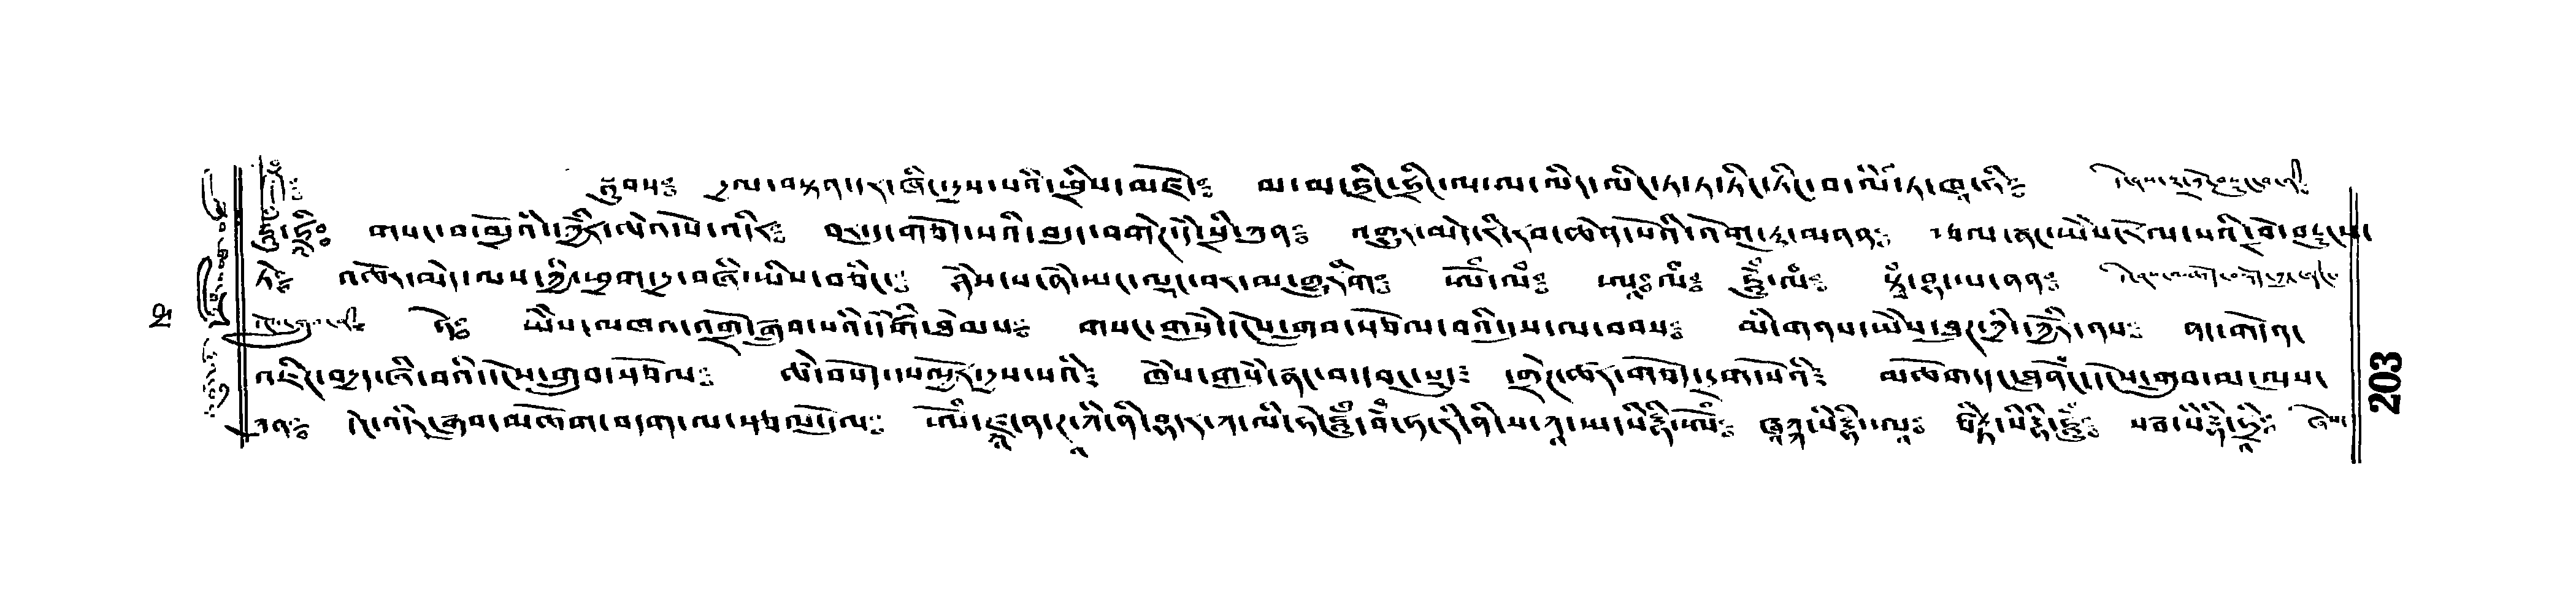སྣུབས༔ རྒྱལ་བསྟན་དར་ཞིང་རྒྱས་པའི་ཕྲིན་ལས་མཛོད༔ མ་མ་ཧྲིང་ཧྲེིང་ལ་ལ་ལིང་ལིང་ཏ་ཏ་ཏིང་ཏིང་བ་ལིཾ་ཏ་ཁཱ་ཧིཿ དེ་ནས་རྟ་བྲོ་བརྡུང་བ་ནི༔ 
ཧཱུྃ་ཧྲཱིཿ གསང་བ་མཁའ་འགྲོའི་དཀྱིལ་འཁོར་ཆེན་པོ་འདིར༔ བར་དུ་གཅོད་པའི་བདུད་བགེགས་དམ་སྲི་ཀུན༔ འགྱུར་མེད་རི་རབ་ཆེན་པོའི་འོག་ཏུ་མནན༔ རྩལ་སྣང་ཡེ་ཤེས་རོལ་པའི་བྲོ་བརྡུངས་
ཏེ༔ འཆོར་མེད་ལས་ཀྱི་ཕྱག་རྒྱ་བཞི་ཡིས་བཅིངས༔ ཉམས་པ་ནམ་ཡང་ལྡང་བར་མ་གྱུར་ཅིག༔ ཨོཾ་ལཾ༔ ཨཱཿལཾ༔ ཧཱུྃ་ལཾ༔ སྟྭཾ་བྷ་ཡ་ནན༔ དེ་ནས་མཆོད་བསྟོད་བྱ་ཞིང་
དངོས་གྲུབ་ནི༔ ཧོཿ ཡེ་ཤེས་མཁའ་འགྲོ་སྒྲུབ་པའི་དམ་ཚིག་ཐེམས༔ གསང་གསུམ་དངོས་གྲུབ་སྩོལ་བའི་དུས་ལ་བབས༔ མི་གནས་ཡེ་ཤེས་ཐུགས་ཀྱི་དཀྱིལ་འཁོར་ནས༔ ནད་གདོན་
འཇིགས་བརྒྱད་ཞི་བའི་དངོས་གྲུབ་སྩོལ༔ ཚེ་བསོད་དཔལ་འབྱོར་རྒྱས་པའི༴ ཁམས་གསུམ་སྣང་བ་དབང་སྡུད༴ དགྲ་བགེགས་ཚར་གཅོད་དྲག་པོའི༴ མཆོག་དང་ཐུན་མོང་དངོས་གྲུབ་མ་ལུས་
ཀུན༔ དེང་འདིར་སྒྲུབ་མཆོག་བདག་ལ་བསྩལ་དུ་གསོལ༔ ཨོཾ་ཛྙཱ་ན་ཌཱ་ཀི་ནི་བྷ་ར་ཀ་ལི་ཧེ་ཧཱུྃ་བྃ་ཧ་རི་ནི་ས་ཀཱ་ཡ་སིདྡྷི་ཨོཾ༔ ཝཱཀྐ་སིདྡྷི་ཨཱཿ ཙིཏྟ་སིདྡྷི་ཧཱུྃ༔ སརྦ་སིདྡྷི་ཧྲཱིཿ ཞེས་